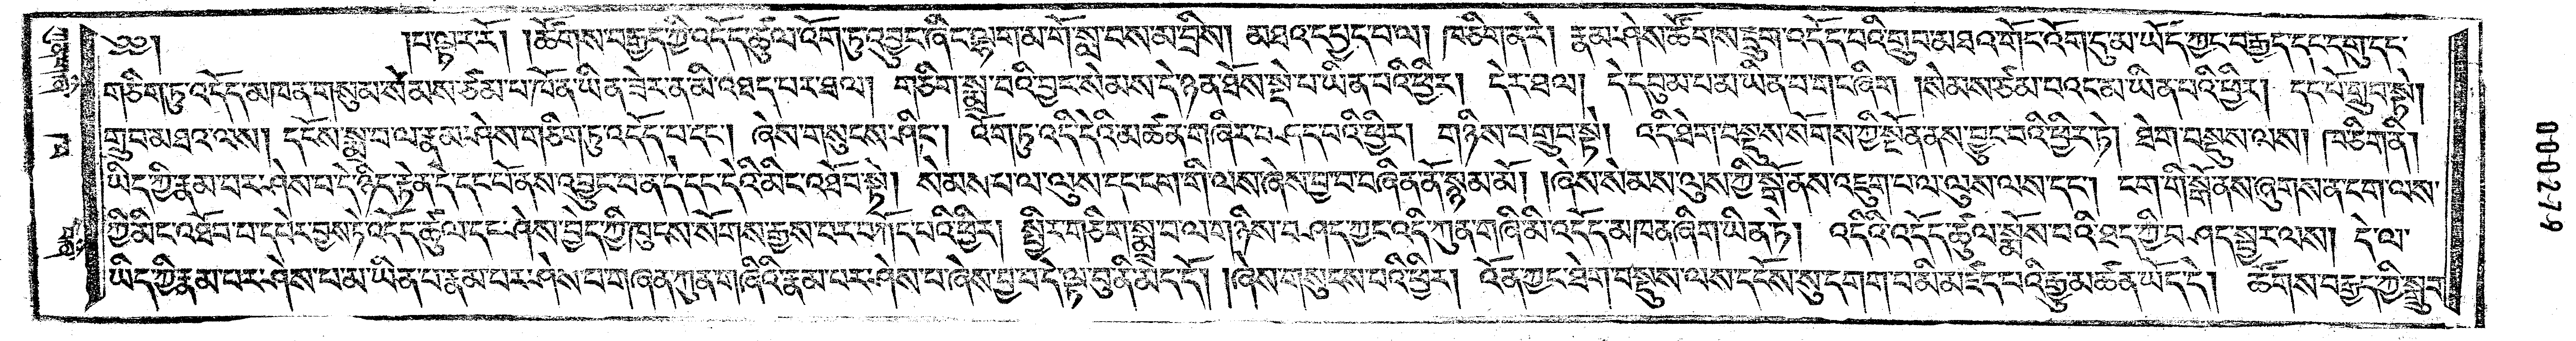༄༅། །བ་ལྟར་རོ། །ཚོགས་བརྒྱད་ཀྱི་འདོད་ཚུལ་འོག་ཏུ་འབྱུང་ཞིང་ལྷག་མ་གོ་སླ་བས་མ་བྲིས། མཐའ་དཔྱད་པ་ལ། ཁ་ཅིག་ན་རེ། རྣམ་ཤེས་ཚོགས་དྲུག་འདོད་པའི་གྲུབ་མཐའ་གོང་འོག་དུ་མ་ཡོད་ཀྱང་བརྒྱད་དང་དགུ་དང་
གཅིག་ཏུ་འདོད་མཁན་གསུམ་སེམས་ཙམ་པ་ཁོ་ན་ཡིན་ཟེར་ན་མི་འཐད་པར་ཐལ། གཅིག་སྨྲ་བའི་བྱང་སེམས་དེ་ཉན་ཐོས་སྡེ་པ་ཡིན་པའི་ཕྱིར། དེར་ཐལ། དེ་དབུ་མ་པ་མ་ཡིན་པ་གང་ཞིག །སེམས་ཙམ་པའང་མ་ཡིན་པའི་ཕྱིར། དང་པོ་གྲུབ་སྟེ།
གྲུབ་མཐའ་ལས། དངོས་སྨྲ་བ་ལ་རྣམ་ཤེས་གཅིག་ཏུ་འདོད་པ་དང་། ཞེས་གསུངས་ཤིང་། འོག་ཏུ་འདི་དེའི་མཚན་གཞིར་བཤད་བའི་ཕྱིར། གཉིས་པ་གྲུབ་སྟེ། འདི་ཐེག་བསྡུས་སོགས་ཀྱི་སྔོན་ནས་བྱུང་བའི་ཕྱིར་ཏེ། ཐེག་བསྡུས་ལས། ཁ་ཅིག་ནི།
ཡིད་ཀྱི་རྣམ་པར་ཤེས་པ་དེ་ཉིད་རྟེན་དེ་དང་པོ་ནས་འབྱུང་བ་ན་དེ་དང་དེའི་མིང་འཐོབ་སྟེ། སེམས་པ་ལ་ལུས་དང་ངག་གི་ལས་ཞེས་བྱ་བ་བཞིན་ནོ་སྙམ་མོ། །ཞེས་སེམས་ལུས་ཀྱི་སྒོ་ནས་འཇུག་པ་ལ་ལུས་ལས་དང་། ངག་གི་སྒོ་ནས་ཞུགས་ན་ངག་ལས་
ཀྱི་མིང་འཐོབ་པ་དཔེར་བྱས་ཏེ་འདོད་ཚུལ་དང་ཤེས་བྱེད་ཀྱི་ཁུངས་སོགས་རྒྱས་པར་བཀོད་པའི་ཕྱིར། སྤྱིར་གཅིག་སྨྲ་བ་ལ་གཉིས་བཤད་ཀྱང་འདི་ཀུན་གཞི་མི་འདོད་མཁན་ཞིག་ཡིན་ཏེ། འདིའི་འདོད་ཚུལ་སྨོས་པའི་ཐད་ཀྱི་བཤད་སྦྱར་ལས། དེ་ལ་
ཡིད་ཀྱི་རྣམ་པར་ཤེས་པ་མ་ཡིན་པ་རྣམ་པར་ཤེས་པ་གཞན་ཀུན་གཞིའི་རྣམ་པར་ཤེས་པ་ཞེས་བྱ་བ་དེ་ལྟ་བུ་ནི་མེད་དོ། །ཞེས་གསུངས་པའི་ཕྱིར། འོན་ཀྱང་ཐེག་བསྡུས་ལས་དངོས་སུ་དགག་བ་མི་མཛད་པའི་རྒྱུ་མཚན་ཡོད་དེ། ཚོགས་བརྒྱད་ཀྱི་སྒྲུབ་